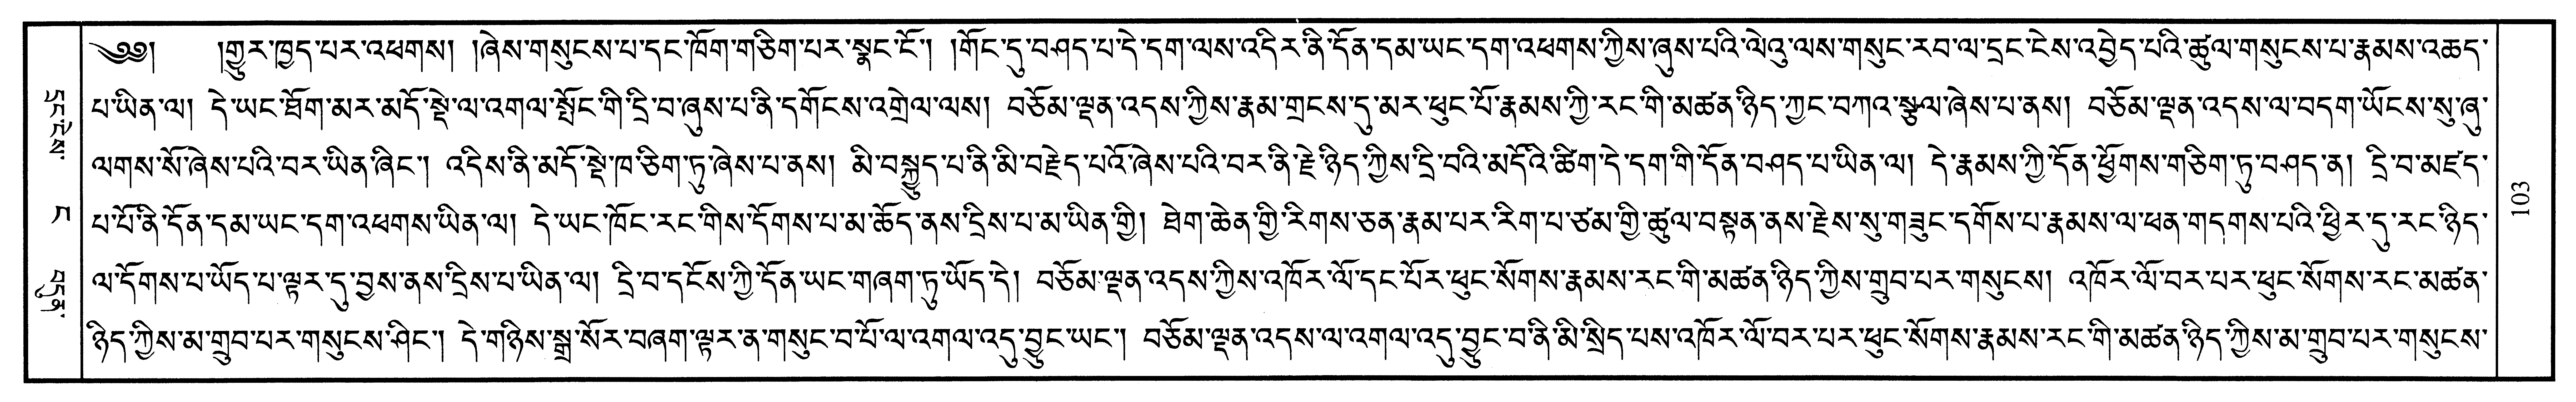༄༅། །གྱུར་ཁྱད་པར་འཕགས། །ཞེས་གསུངས་པ་དང་ཁོག་གཅིག་པར་སྣང་ངོ། །གོང་དུ་བཤད་པ་དེ་དག་ལས་འདིར་ནི་དོན་དམ་ཡང་དག་འཕགས་ཀྱིས་ཞུས་པའི་ལེའུ་ལས་གསུང་རབ་ལ་དྲང་ངེས་འབྱེད་པའི་ཚུལ་གསུངས་པ་རྣམས་འཆད་
པ་ཡིན་ལ། དེ་ཡང་ཐོག་མར་མདོ་སྡེ་ལ་འགལ་སྤོང་གི་དྲི་བ་ཞུས་པ་ནི་དགོངས་འགྲེལ་ལས། བཅོམ་ལྡན་འདས་ཀྱིས་རྣམ་གྲངས་དུ་མར་ཕུང་པོ་རྣམས་ཀྱི་རང་གི་མཚན་ཉིད་ཀྱང་བཀའ་སྩལ་ཞེས་པ་ནས། བཅོམ་ལྡན་འདས་ལ་བདག་ཡོངས་སུ་ཞུ་
ལགས་སོ་ཞེས་པའི་བར་ཡིན་ཞིང་། འདིས་ནི་མདོ་སྡེ་ཁ་ཅིག་ཏུ་ཞེས་པ་ནས། མི་བསྐྱུད་པ་ནི་མི་བརྗེད་པའོ་ཞེས་པའི་བར་ནི་རྗེ་ཉིད་ཀྱིས་དྲི་བའི་མདོའི་ཚིག་དེ་དག་གི་དོན་བཤད་པ་ཡིན་ལ། དེ་རྣམས་ཀྱི་དོན་ཕྱོགས་གཅིག་ཏུ་བཤད་ན། དྲི་བ་མཛད་
པ་པོ་ནི་དོན་དམ་ཡང་དག་འཕགས་ཡིན་ལ། དེ་ཡང་ཁོང་རང་གིས་དོགས་པ་མ་ཆོད་ནས་དྲིས་པ་མ་ཡིན་གྱི། ཐེག་ཆེན་གྱི་རིགས་ཅན་རྣམ་པར་རིག་པ་ཙམ་གྱི་ཚུལ་བསྟན་ནས་རྗེས་སུ་གཟུང་དགོས་པ་རྣམས་ལ་ཕན་གདགས་པའི་ཕྱིར་དུ་རང་ཉིད་
ལ་དོགས་པ་ཡོད་པ་ལྟར་དུ་བྱས་ནས་དྲིས་པ་ཡིན་ལ། དྲི་བ་དངོས་ཀྱི་དོན་ཡང་གཞག་ཏུ་ཡོད་དེ། བཅོམ་ལྡན་འདས་ཀྱིས་འཁོར་ལོ་དང་པོར་ཕུང་སོགས་རྣམས་རང་གི་མཚན་ཉིད་ཀྱིས་གྲུབ་པར་གསུངས། འཁོར་ལོ་བར་པར་ཕུང་སོགས་རང་མཚན་
ཉིད་ཀྱིས་མ་གྲུབ་པར་གསུངས་ཤིང་། དེ་གཉིས་སྒྲ་སོར་བཞག་ལྟར་ན་གསུང་བ་པོ་ལ་འགལ་འདུ་བྱུང་ཡང་། བཅོམ་ལྡན་འདས་ལ་འགལ་འདུ་བྱུང་བ་ནི་མི་སྲིད་པས་འཁོར་ལོ་བར་པར་ཕུང་སོགས་རྣམས་རང་གི་མཚན་ཉིད་ཀྱིས་མ་གྲུབ་པར་གསུངས་